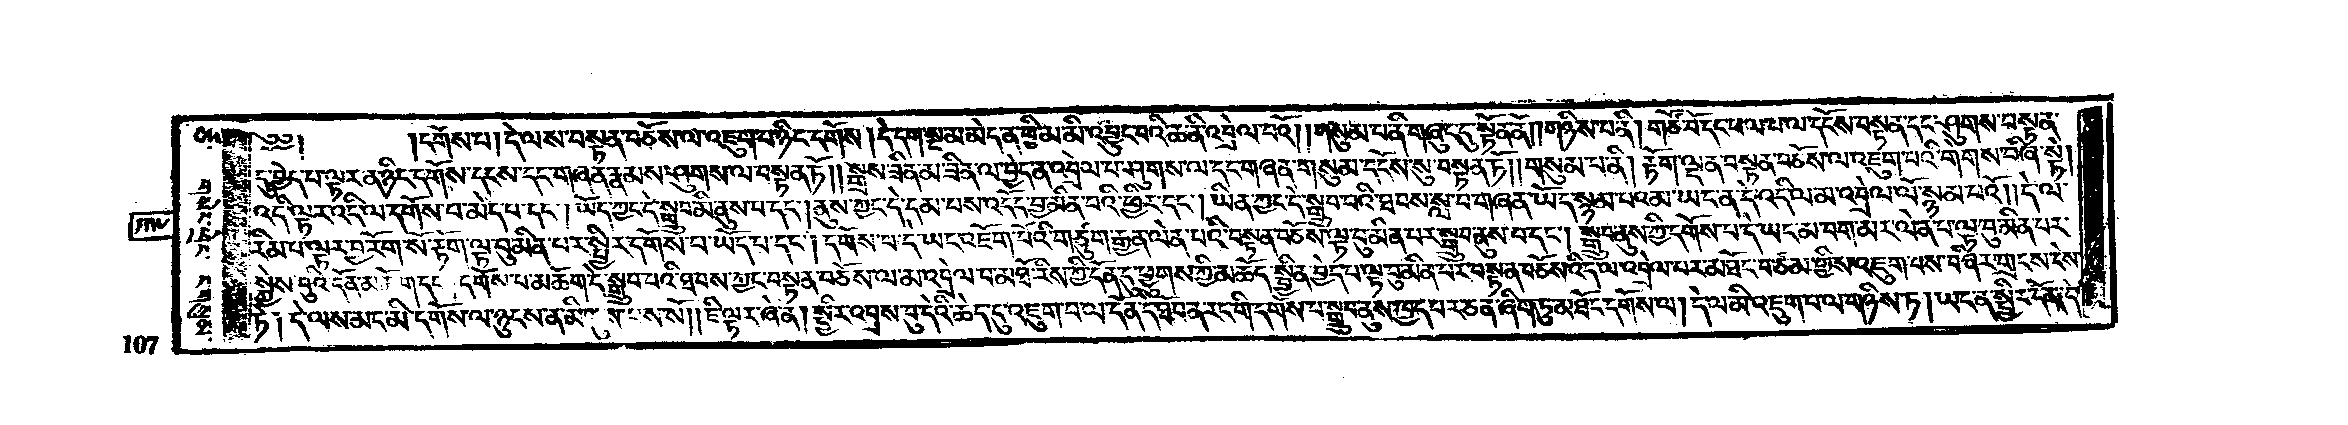༄༅། །དགོས་པ། དེ་ལས་བསྟན་བཅོས་ལ་འཇུག་པ་ཉིང་དགོས། དེ་དག་སྔ་མ་མེད་ན་ཕྱི་མ་མི་འབྱུང་བའི་ཆ་ནི་འབྲེལ་བའོ། །གསུམ་པ་ནི་གཞུང་དུ་སྟོན་ནོ། །གཉིས་པ་ནི། གཙོ་བོ་དང་ཕལ་པ་ལ་དངོས་བསྟན་དང་ཤུགས་བསྟན་
དུ་བྱེད་པ་ལྟར་ན་ཉིང་དགོས་དངོས་དང་གཞན་རྣམས་ཤུགས་ལ་བསྟན་ཏོ། །སྒྲས་ཟིན་མ་ཟིན་ལ་བྱེད་ན་འབྲེལ་པ་ཤུགས་ལ་དང་གཞན་གསུམ་དངོས་སུ་བསྟན་ཏོ། །གསུམ་པ་ནི། རྟོག་ལྡན་བསྟན་བཅོས་ལ་འཇུག་པའི་གེགས་བཞི་སྟེ།
འདི་ལྟར་འདི་ལ་དགོས་པ་མེད་པ་དང་། ཡོད་ཀྱང་དེ་སྒྲུབ་མི་ནུས་པ་དང་། ནུས་ཀྱང་དེ་དམ་པས་འདོད་བྱ་མིན་པའི་ཕྱིར་དང་། ཡིན་ཀྱང་དེ་སྒྲུབ་པའི་ཐབས་སླ་བ་གཞན་ཡོད་སྙམ་པའམ་ཡང་ན་དེ་འདི་ལ་མ་འབྲེལ་ལོ་སྙམ་པའོ། །དེ་ལ་
རིམ་པ་ལྟར་བྱ་རོག་སོ་རྟོག་ལྟ་བུ་མིན་པར་སྤྱིར་དགོས་པ་ཡོད་པ་དང་། དགོས་པ་དེ་ཡང་འཇོག་པོའི་གཙུག་རྒྱན་ལེན་པའི་བསྟན་བཅོས་ལྟ་བུ་མིན་པར་སྒྲུབ་ནུས་པ་དང་། སྒྲུབ་ནུས་ཀྱི་དགོས་པ་དེ་ཡང་མ་བག་མར་ལེན་པ་ལྟ་བུ་མིན་པར་
སྐྱེས་བུའི་དོན་མཆོག་དང་། དགོས་པ་མཆོག་དེ་སྒྲུབ་པའི་ཐབས་ཀྱང་བསྟན་བཅོས་ལ་མ་འབྲེལ་བ་མཐོ་རིས་ཀྱི་དོན་དུ་ཕྱུགས་ཀྱི་མཆོད་སྦྱིན་བྱེད་པ་ལྟ་བུ་མིན་པར་བསྟན་བཅོས་འདི་ལ་འབྲེལ་བར་མཐོང་བ་ཙམ་གྱིས་འཇུག་པས་བཞིར་གྲངས་ངེས་
ཏེ། དེ་ལས་མང་མི་དགོས་ལ་ཉུངས་ན་མི་འདུས་པས་སོ། །ཇི་ལྟར་ཞེ་ན། སྤྱིར་འབྲས་བུ་དེའི་ཆེད་དུ་འཇུག་པ་ལ་དོན་དེ་ཐོབ་ན་རང་གི་དགོས་པ་སྒྲུབ་ནུས་ཁྱད་པར་ཅན་ཞིག་ཏུ་མཐོང་དགོས་ལ། དེ་ལ་མི་འཇུག་པ་ལ་གཉིས་ཏེ། ཡང་ན་སྤྱིར་དོན་དེ་